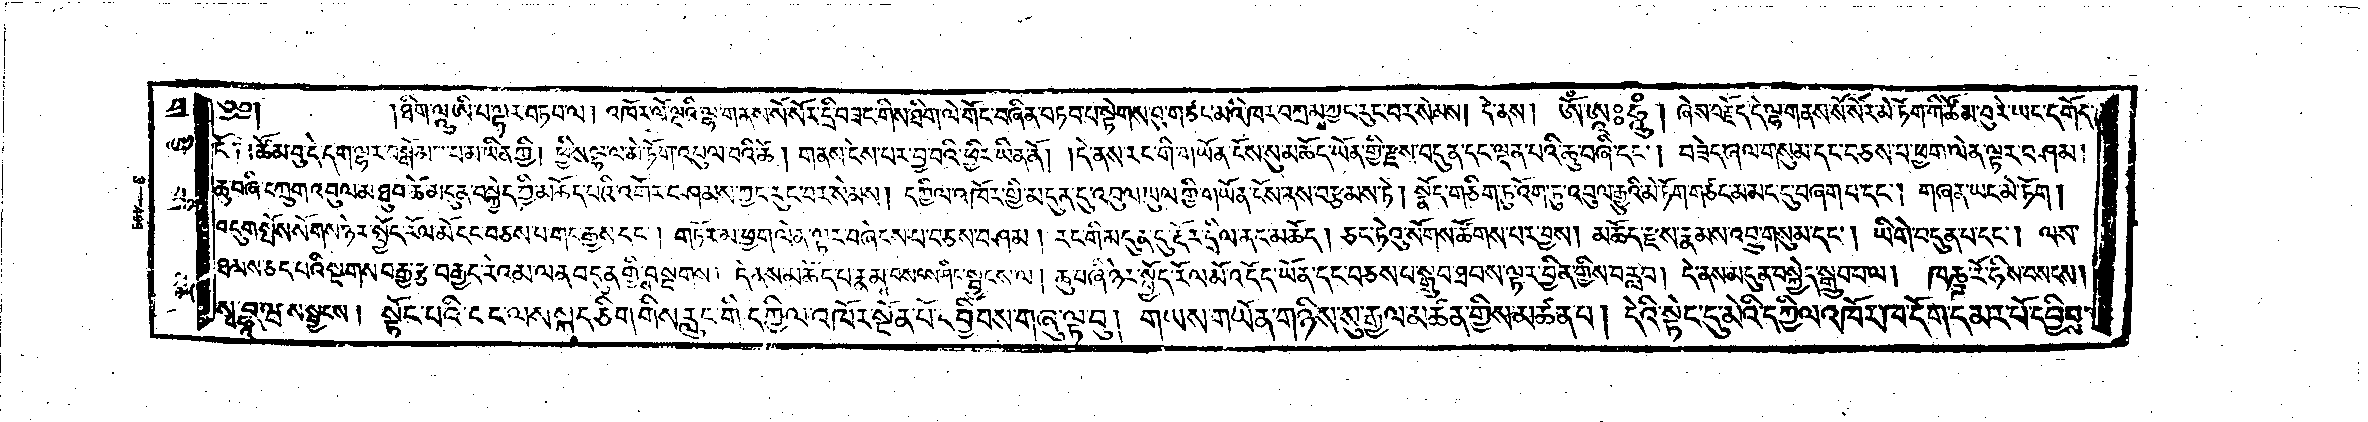༄༅། །ཐིག་ལཱུ་ཨི་པ་ལྟར་བཏབ་ལ། འཁོར་ལོ་ལྔའི་ལྷ་གནས་སོ་སོར་དྲི་བཟང་གིས་ཐིག་ལེ་གོང་བཞིན་བཏབ་བ་སྟེགས་བུ་གཙང་མའི་ཁར་བཀྲམ་ཀྱང་རུང་བར་སེམས། དེ་ནས། ཨོཾ་ཨཱཿཧཱུཾ། ཞེས་བརྗོད་དེ་ལྷ་གནས་སོ་སོར་མེ་ཏོག་གི་ཚོམ་བུ་རེ་ཡང་དགོད་
དོ། །ཚོམ་བུ་དེ་དག་ལྟར་བསྒོམ་པ་མ་ཡིན་གྱི། ཕྱིས་ལྷ་ལ་མེ་ཏོག་འབུལ་བའི་ཚེ། གནས་ངེས་པར་བྱ་བའི་ཕྱིར་ཡིན་ནོ། །དེ་ནས་རང་གི་གཡོན་ངོས་སུ་མཆོད་ཡོན་གྱི་རྫས་བདུད་དང་ལྡན་པའི་ཆུ་བཞི་དང་། བཟོད་ཞལ་གསུམ་དང་བཅས་པ་ཕྱག་ལེན་ལྟར་བཤམ།
ཆུ་བཞི་དཀྲུག་འབུལ་མ་ཐུབ་ཚོ་མདུན་བསྐྱེད་ཀྱི་མཆོད་པའི་འགོར་བཤམས་ཀྱང་རུང་བར་སེམས། དཀྱིལ་འཁོར་གྱི་མདུན་དུ་འབུལ་ཡུལ་གྱི་གཡོན་ངོས་ནས་བརྩམས་ཏེ། སྣོད་གཅིག་ཏུ་འོག་ཏུ་འབུལ་རྒྱུའི་མེ་ཏོག་གཙང་མ་མང་དུ་བཞག་པ་དང་། གཞན་ཡང་མེ་ཏོག །
བདུག་སྤོས་སོགས་ཉེར་སྤྱོད་རོལ་མོ་དང་བཅས་པ་གང་རྒྱས་དང་། གཏོར་མ་ཕྱག་ལེན་ལྟར་བཞེངས་པ་བཅས་བཤམ། རང་གི་མདུན་དུ་རྡོར་དྲིལ་ནང་མཆོད། ཅང་ཏེའུ་སོགས་ཚོགས་པར་བྱས། མཆོད་རྫས་རྣམས་འབྲུ་གསུམ་དག། ཡི་གེ་བདུན་པ་དང་། ལས་
ཐམས་ཅད་པའི་སངས་བརྒྱ་རྩ་བརྒྱད་རེའམ་ལན་བདུན་བདུན་གྱིས་བསངས། དེ་ནས་མཆོད་པ་རྣམས་བསངས་ཤིང་སྦྱངས་ལ། ཆུ་བཞི་ཉེར་སྤྱོད་རོལ་མོ་འདོད་ཡོན་དག་བཅས་པ་སྒྲུབ་ཐབས་ལྟར་བྱིན་གྱིས་བརླབ། དེ་ནས་མདུན་བསྐྱེད་སྒྲུབ་པ་ལ། ཁཎྜ་རོ་ཧིས་སངས།
སྭ་བྷཱ་ཝ་ས་སྦྱངས། སྟོང་པའི་ངང་ལས་སྐད་ཅིག་གིས་རླུང་གི་དཀྱིལ་འཁོར་སྔོན་པོ་དབྱིབས་གཞུ་ལྟ་བུ། གཡས་གཡོན་གཉི་སུ་རྒྱལ་མཚན་གྱིས་མཚན་བ། དེའི་སྟེང་དུ་མེའི་དཀྱིལ་འཁོར་ཁ་དོག་དམར་པོ་དབྱིབས་